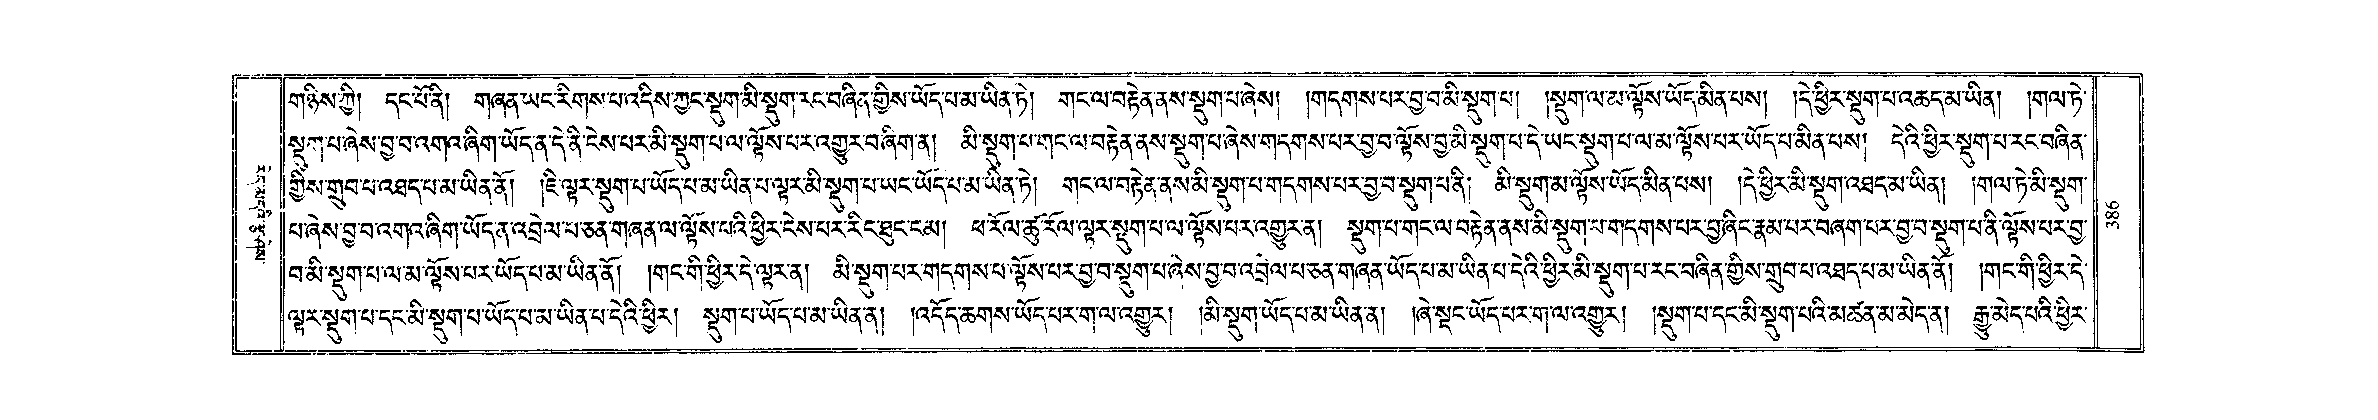གཉིས་ཀྱི། དང་པོ་ནི། གཞན་ཡང་རིགས་པ་འདིས་ཀྱང་སྡུག་མི་སྡུག་རང་བཞིན་གྱིས་ཡོད་པ་མ་ཡིན་ཏེ། གང་ལ་བརྟེན་ནས་སྡུག་པ་ཞེས། །གདགས་པར་བྱ་བ་མི་སྡུག་པ། །སྡུག་ལ་མ་ལྟོས་ཡོད་མིན་པས། །དེ་ཕྱིར་སྡུག་པ་འཆད་མ་ཡིན། །གལ་ཏེ་
སྡུག་པ་ཞེས་བྱ་བ་འགའ་ཞིག་ཡོད་ན་དེ་ནི་ངེས་པར་མི་སྡུག་པ་ལ་ལྟོས་པར་འགྱུར་བ་ཞིག་ན། མི་སྡུག་པ་གང་ལ་བརྟེན་ནས་སྡུག་པ་ཞེས་གདགས་པར་བྱ་བ་ལྟོས་བྱ་མི་སྡུག་པ་དེ་ཡང་སྡུག་པ་ལ་མ་ལྟོས་པར་ཡོད་པ་མིན་པས། དེའི་ཕྱིར་སྡུག་པ་རང་བཞིན་
གྱིས་གྲུབ་པ་འཐད་པ་མ་ཡིན་ནོ། །ཇི་ལྟར་སྡུག་པ་ཡོད་པ་མ་ཡིན་པ་ལྟར་མི་སྡུག་པ་ཡང་ཡོད་པ་མ་ཡིན་ཏེ། གང་ལ་བརྟེན་ནས་མི་སྡུག་པ་གདགས་པར་བྱ་བ་སྡུག་པ་ནི། མི་སྡུག་མ་ལྟོས་ཡོད་མིན་པས། །དེ་ཕྱིར་མི་སྡུག་འཐད་མ་ཡིན། །གལ་ཏེ་མི་སྡུག་
པ་ཞེས་བྱ་བ་འགའ་ཞིག་ཡོད་ན་འབྲེལ་པ་ཅན་གཞན་ལ་ལྟོས་པའི་ཕྱིར་ངེས་པར་རིང་ཐུང་ངམ། ཕ་རོལ་ཚུ་རོལ་ལྟར་སྡུག་པ་ལ་ལྟོས་པར་འགྱུར་ན། སྡུག་པ་གང་ལ་བརྟེན་ནས་མི་སྡུག་པ་གདགས་པར་བྱ་ཞིང་རྣམ་པར་བཞག་པར་བྱ་བ་སྡུག་པ་ནི་ལྟོས་པར་བྱ་
བ་མི་སྡུག་པ་ལ་མ་ལྟོས་པར་ཡོད་པ་མ་ཡིན་ནོ། །གང་གི་ཕྱིར་དེ་ལྟར་ན། མི་སྡུག་པར་གདགས་པ་ལྟོས་པར་བྱ་བ་སྡུག་པ་ཞེས་བྱ་བ་འབྲེལ་པ་ཅན་གཞན་ཡོད་པ་མ་ཡིན་པ་དེའི་ཕྱིར་མི་སྡུག་པ་རང་བཞིན་གྱིས་གྲུབ་པ་འཐད་པ་མ་ཡིན་ནོ། །གང་གི་ཕྱིར་དེ་
ལྟར་སྡུག་པ་དང་མི་སྡུག་པ་ཡོད་པ་མ་ཡིན་པ་དེའི་ཕྱིར། སྡུག་པ་ཡོད་པ་མ་ཡིན་ན། །འདོད་ཆགས་ཡོད་པར་ག་ལ་འགྱུར། །མི་སྡུག་ཡོད་པ་མ་ཡིན་ན། །ཞེ་སྡང་ཡོད་པར་ག་ལ་འགྱུར། །སྡུག་པ་དང་མི་སྡུག་པའི་མཚན་མ་མེད་ན། རྒྱུ་མེད་པའི་ཕྱིར་